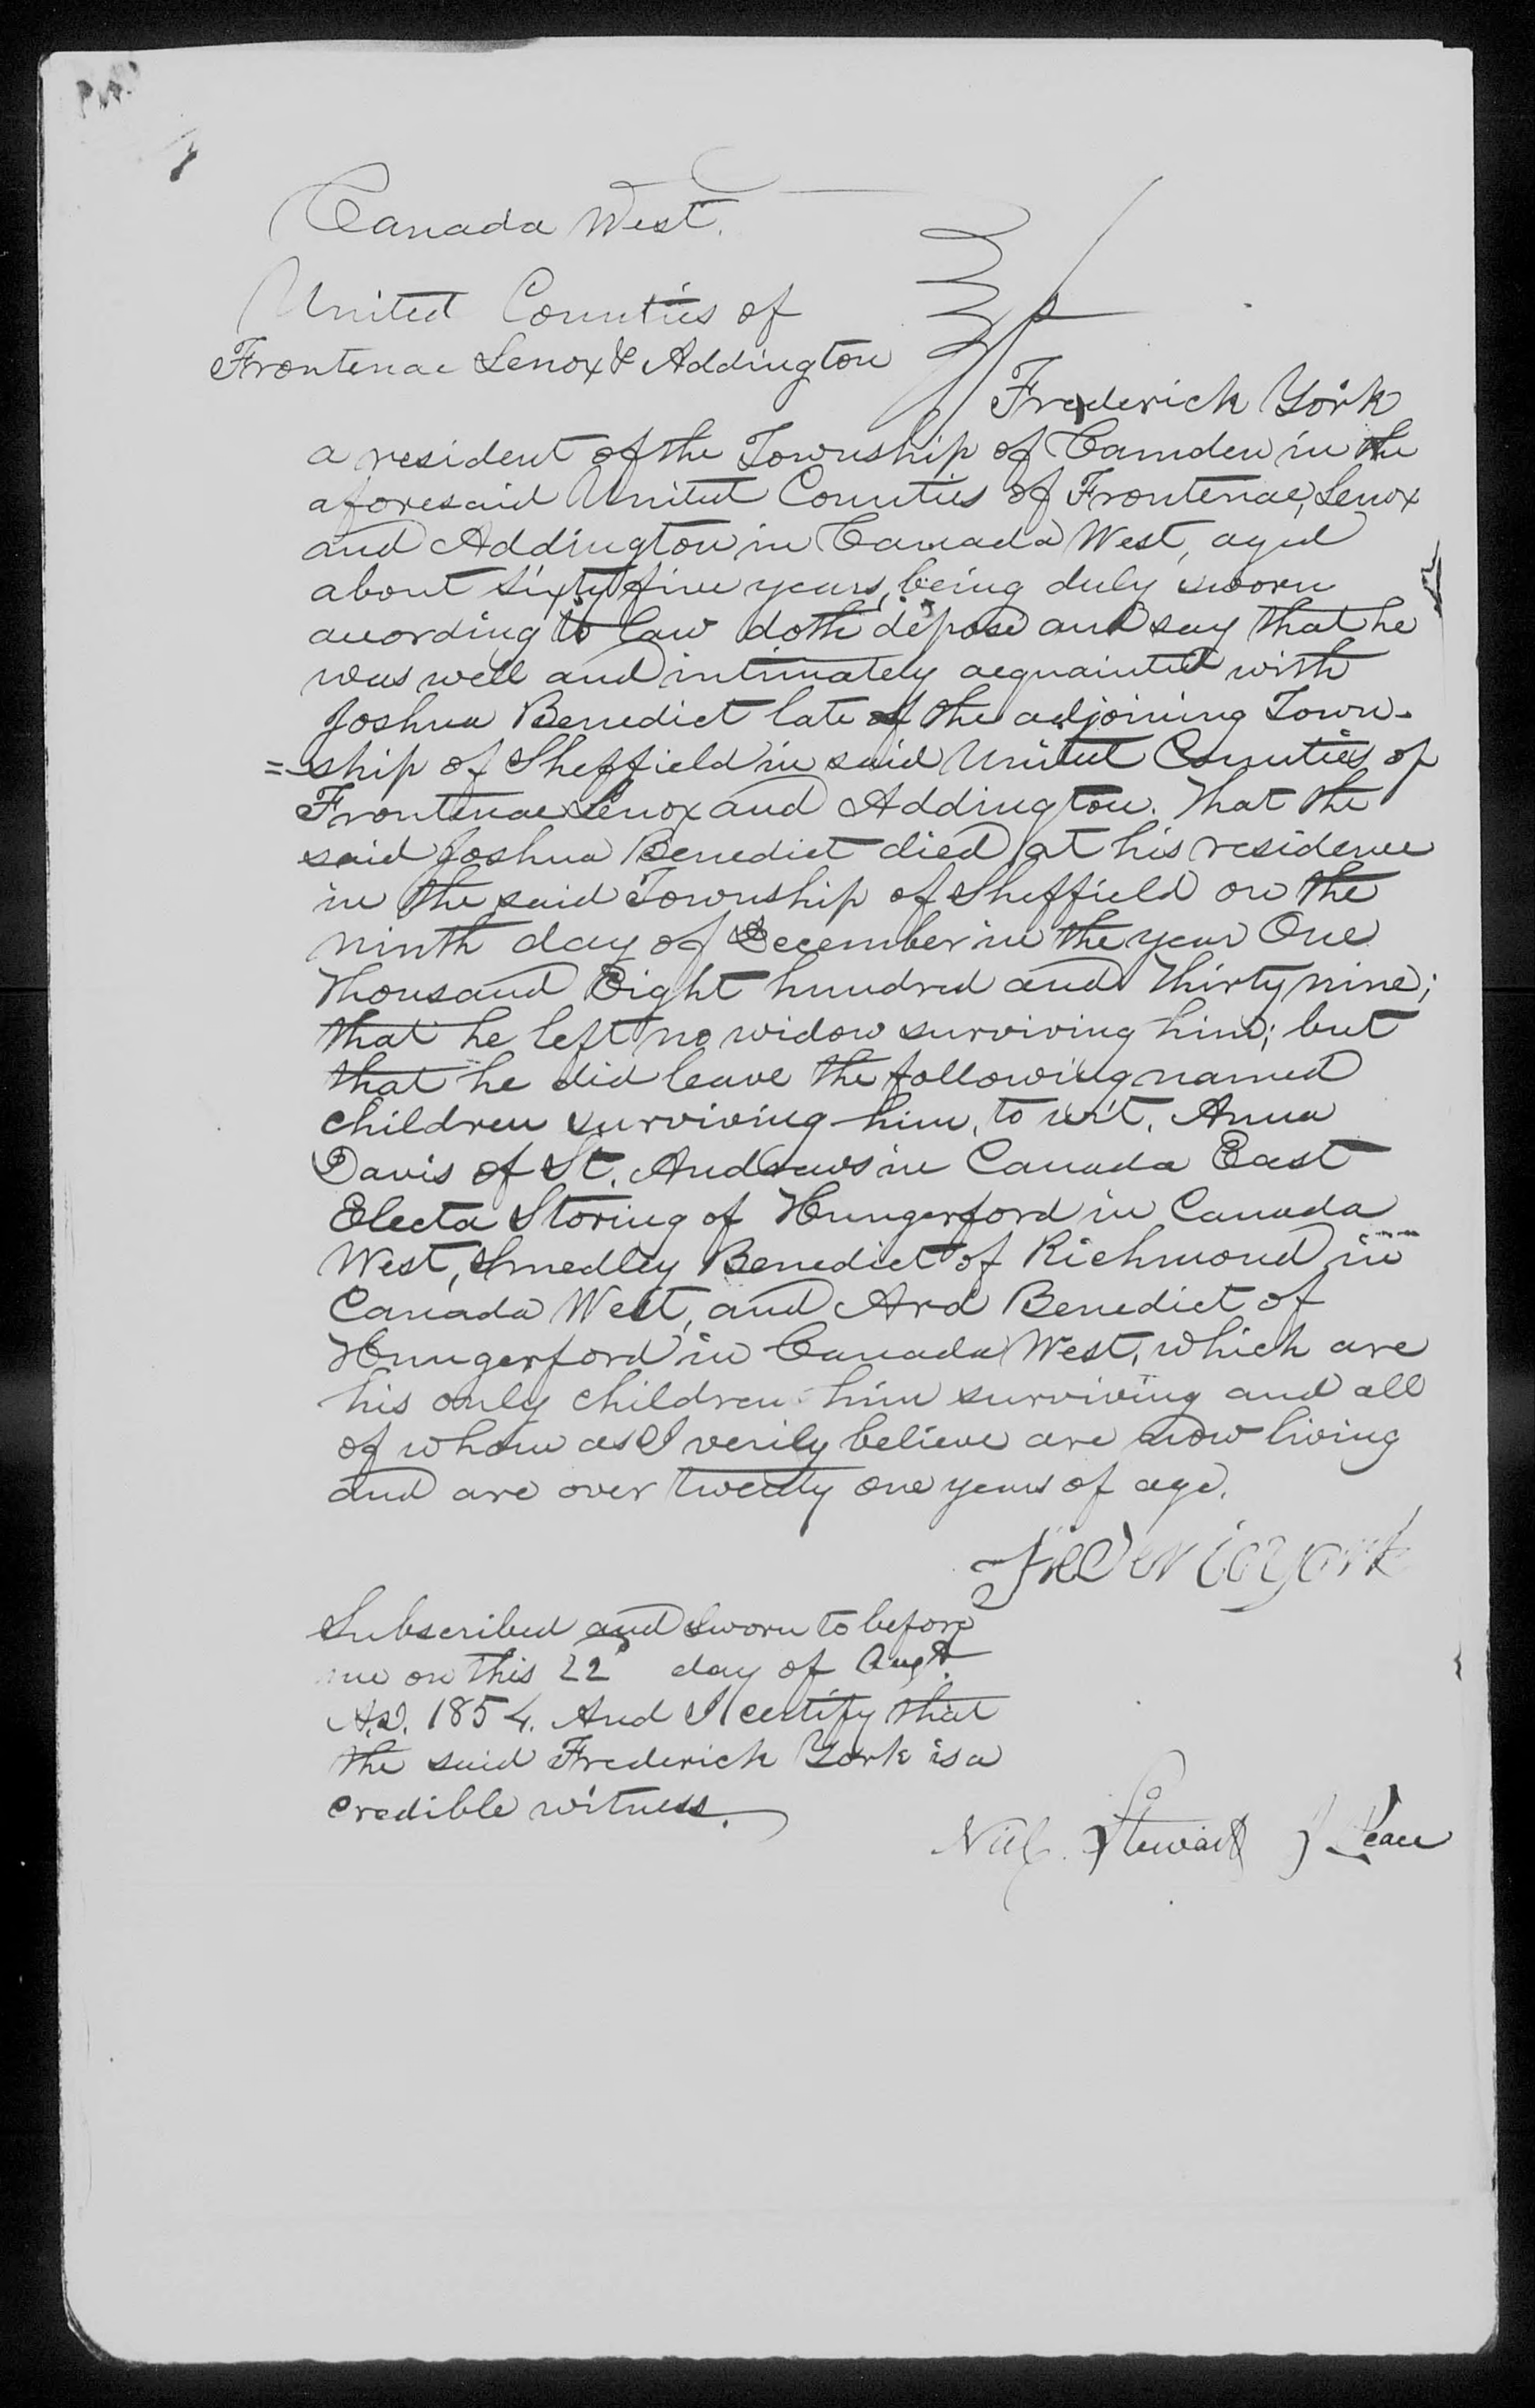Canada West.
United Counties of
Frontenac Lenox [Lennox] & Addington } Ss
Frederick York a resident of the Township of Camden in the aforesaid United Counties of Frontenac, Lenox [Lennox] and Addington in Canada West, aged about sixty five years, being duly sworn according to law doth depose and say that he was well and intimately acquainted with Joshua Benedict late of the adjoining Township of Sheffield in said United Counties of Frontenac Lenox [Lennox] and Addington. That the said Joshua Benedict died at his residence in the said Township of Sheffield on the ninth day of December in the year One Thousand Eight hundred and Thirty nine; that he left no widow surviving him; but that he did leave the following named children surviving him, to wit, Anna Davis of St. Andrews in Canada East Electa Storing of Hungerford in Canada West, Smedley Benedict of Richmond in Canada West, and Ard Benedict of Hungerford in Canada West, which are his only children him surviving and all of whom as I verily believe are now living and are over twenty one years of age.
Frederic York

Subscribed and sworn to before me on this 22d day of Augt A.D. 1854. And I certify that the said Frederick York is a credible witness.
Niel Stewart J. Peace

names: Anna Davis, Joshua Benedict, Ard Benedict, Joshua Benedict, Frederic York, Neil Stewart, Electa Storing, Frederick York, Frederick York, Smedley Benedict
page: 94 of 106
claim: survivor's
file: S 23,116., Joshua Benedict, Conn.